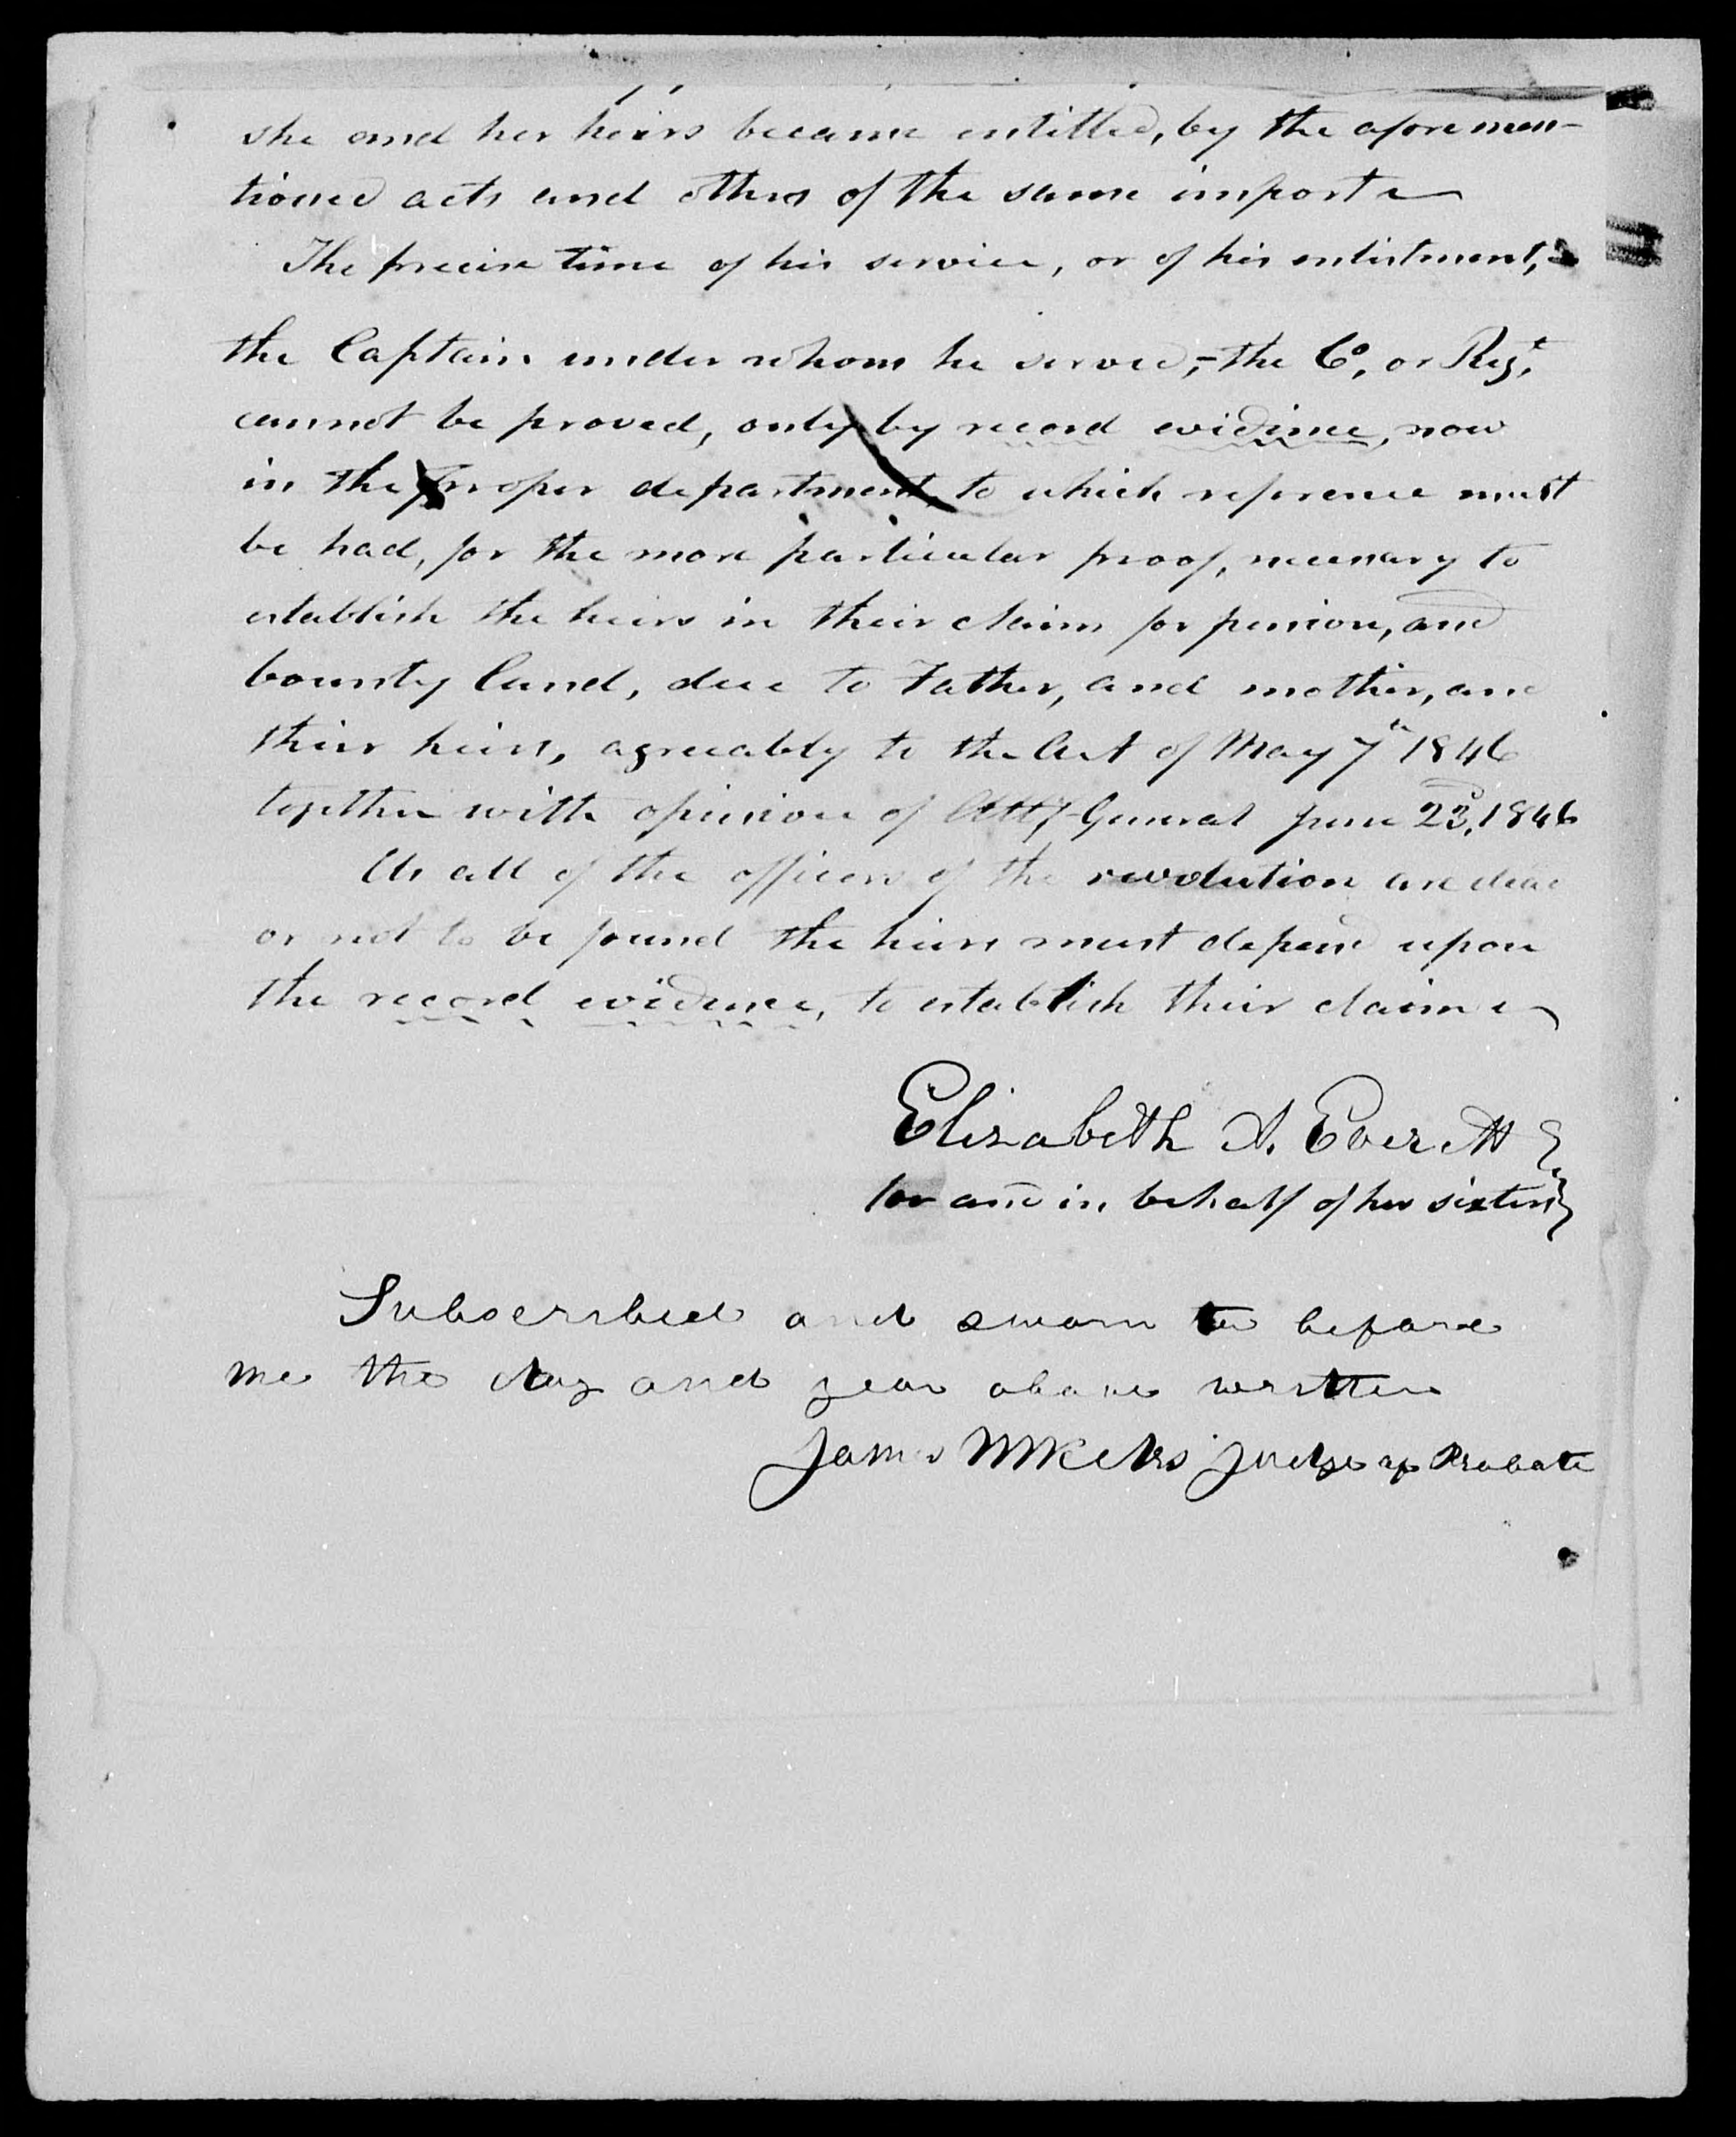she and her heirs became entitled, by the aforementioned acts and others of the same import
The precise time of his service, or of his enlistment, the Captain under whom he served, the Co. or Regt cannot be proved only by record evidence, now in the proper department to which reference must
be had, for the more particular proof, necessary to establish the heirs in their claim for pension, and Bounty land, due to Father and mother, and their heirs, agreeably to the Act of May 7th 1846 together with opinion of Att. General June 23 1846
As all of the officers of the revolution are dead
or not to be found the heirs must depend upon the record evidence, to establish their claim
Elizabeth A Everett
for and on behalf of her sisters
Subscribed and sworn the before
me the day and year above written
James W Weeks Judge of Probate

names: James W Weeks, Elizabeth A Everett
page: 9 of 59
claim: widow's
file: W. 23017, Richard Clair Everett, Mass.